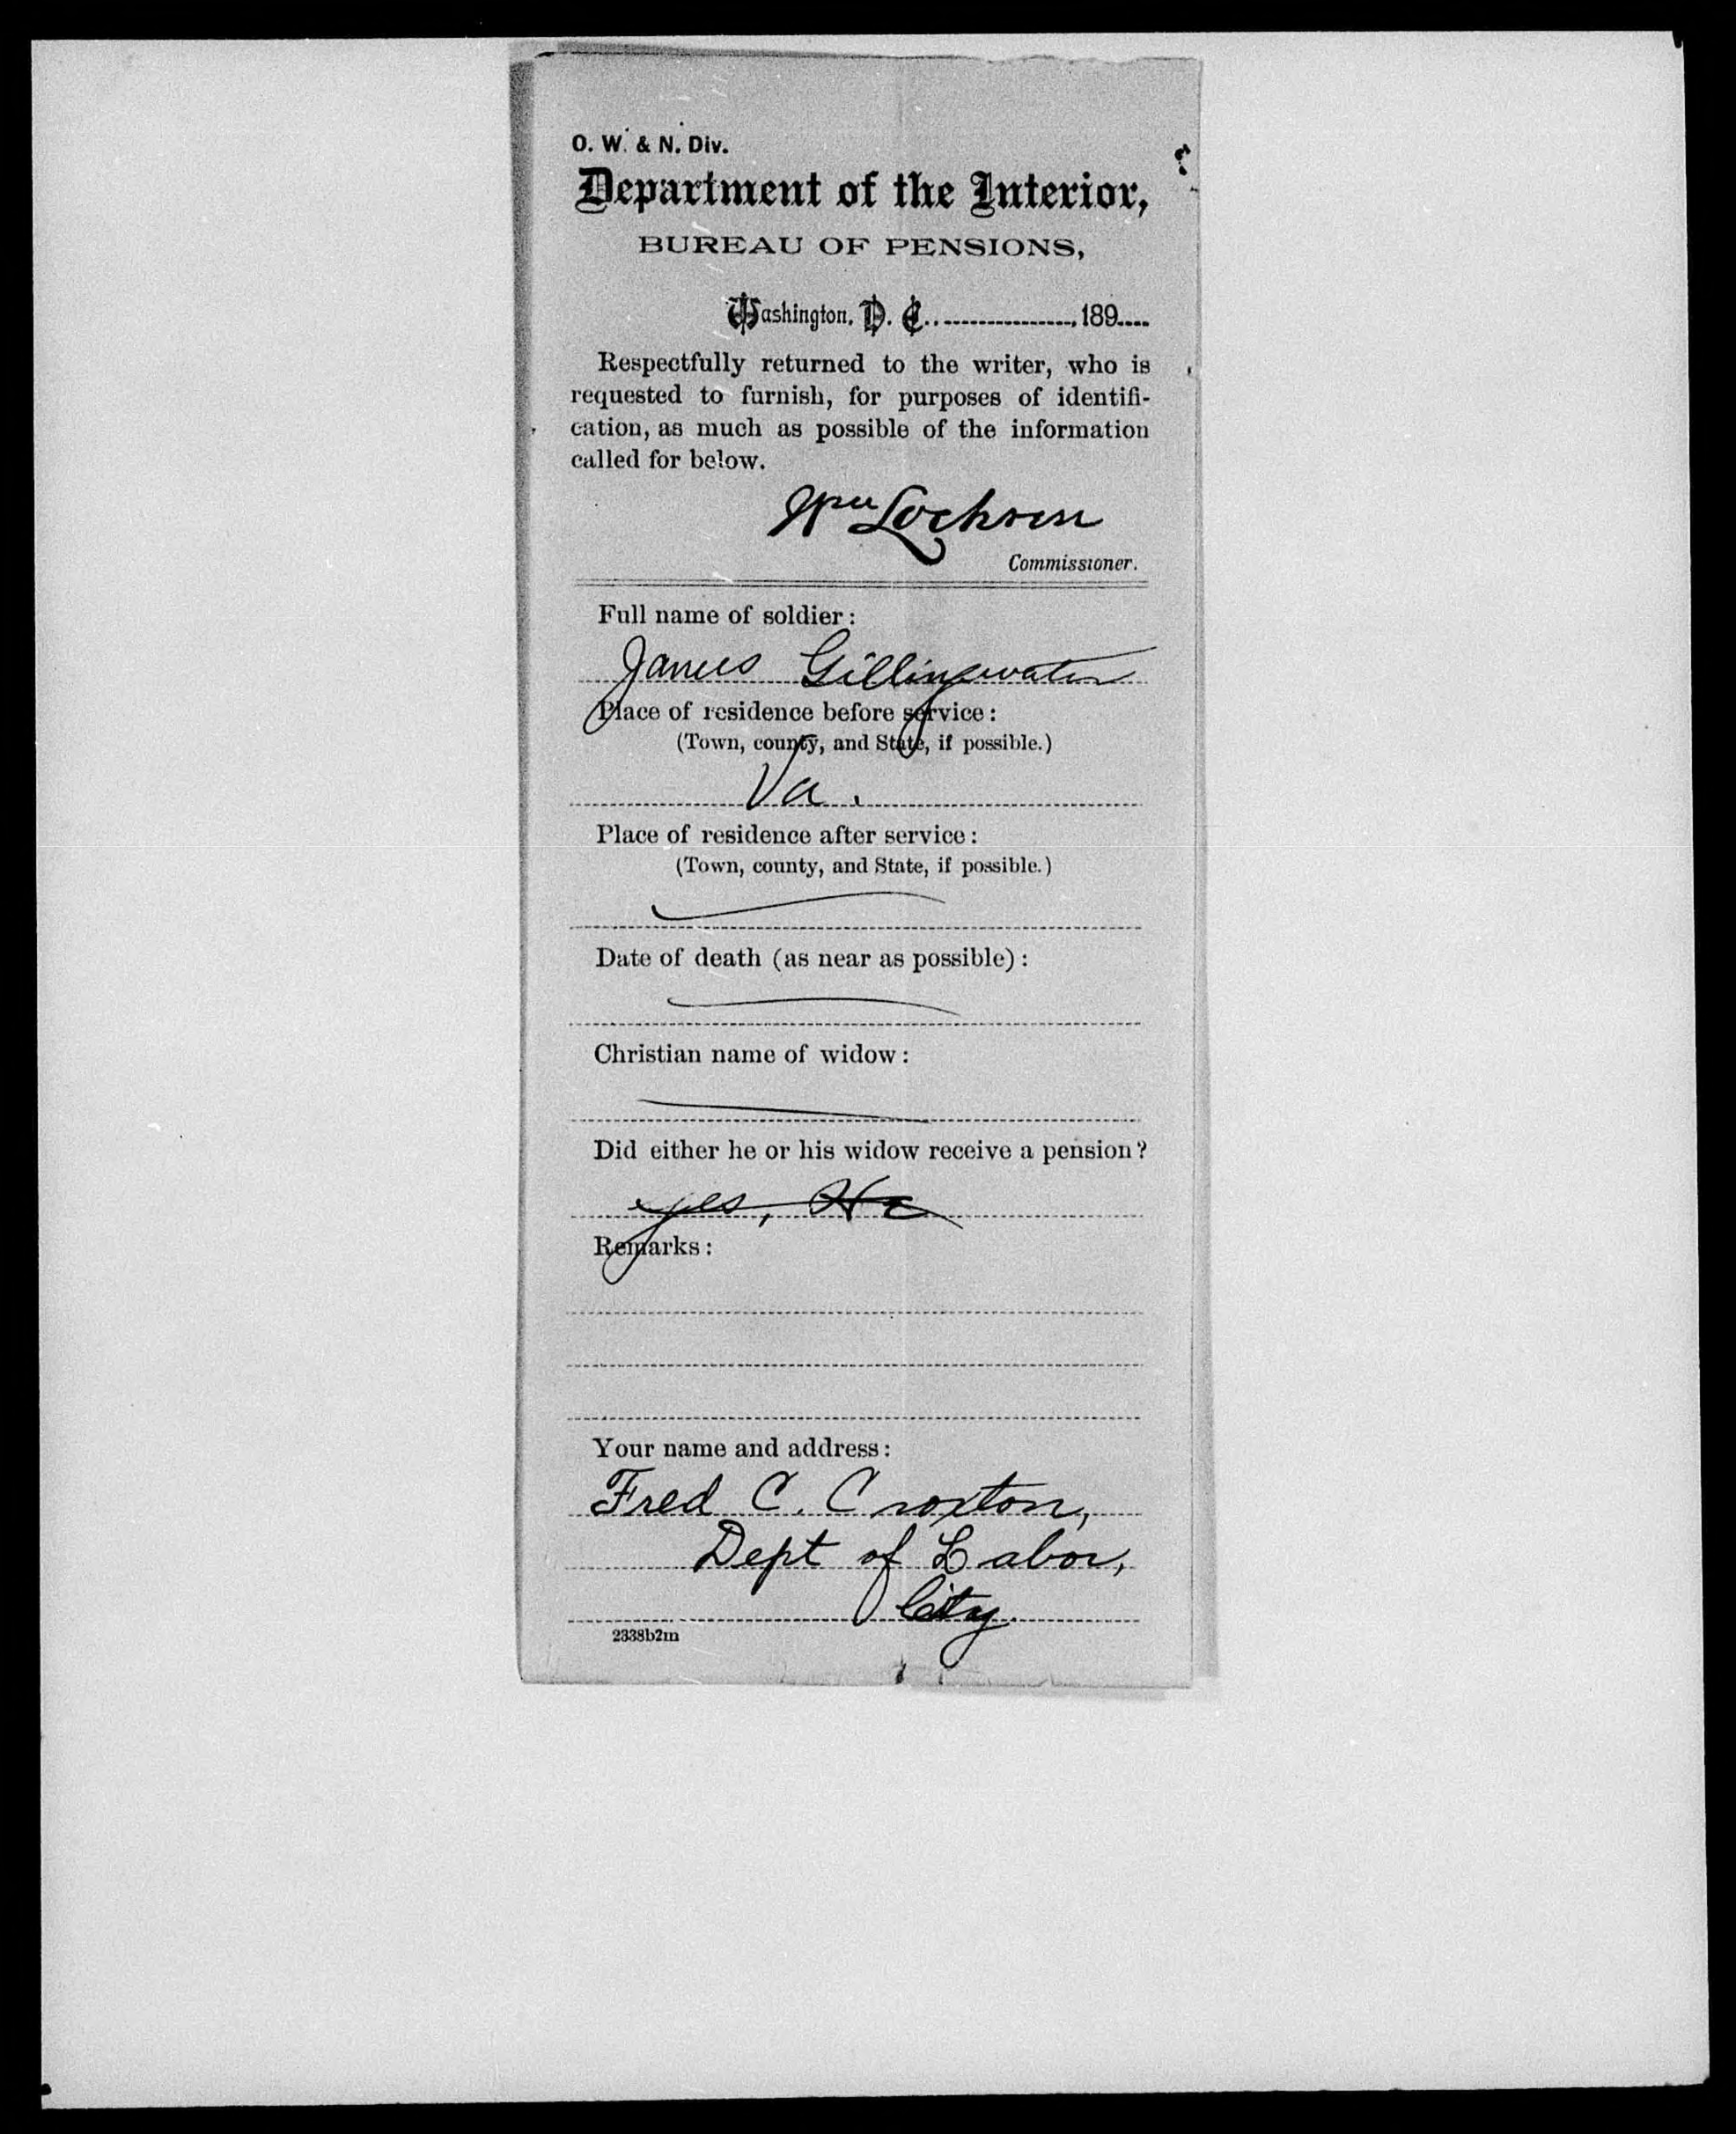O. W. & N. Div.
Department of the Interior,
BUREAU OF PENSIONS,

Washington, D.C., 189
Respectfully returned to the writer, who is requested to furnish, for purposes of identification, as much as possible of the information called for below.
[Signed by hand. "Will Lochren"]
Commissioner.

Full name of soldier:
[Signed by hand. "James Gillingwater"]
Place of residence before service:
(Town, county, and State, if possible.)
Va.
Place of residence after service:
(Town, county, and State, if possible.)

Date of death (as near as possible):

Christian name of widow:

Did either he or his widow receive a pension?
Yes, He
Remarks:

Your name and address:
Fred C. Croxton,
Dept of Labor, City

2338b2m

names: James Gillingwater, Wm Lochren, Fred C Croxton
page: 22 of 36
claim: survivor's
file: S. 39570, James Gillingwater, Va.